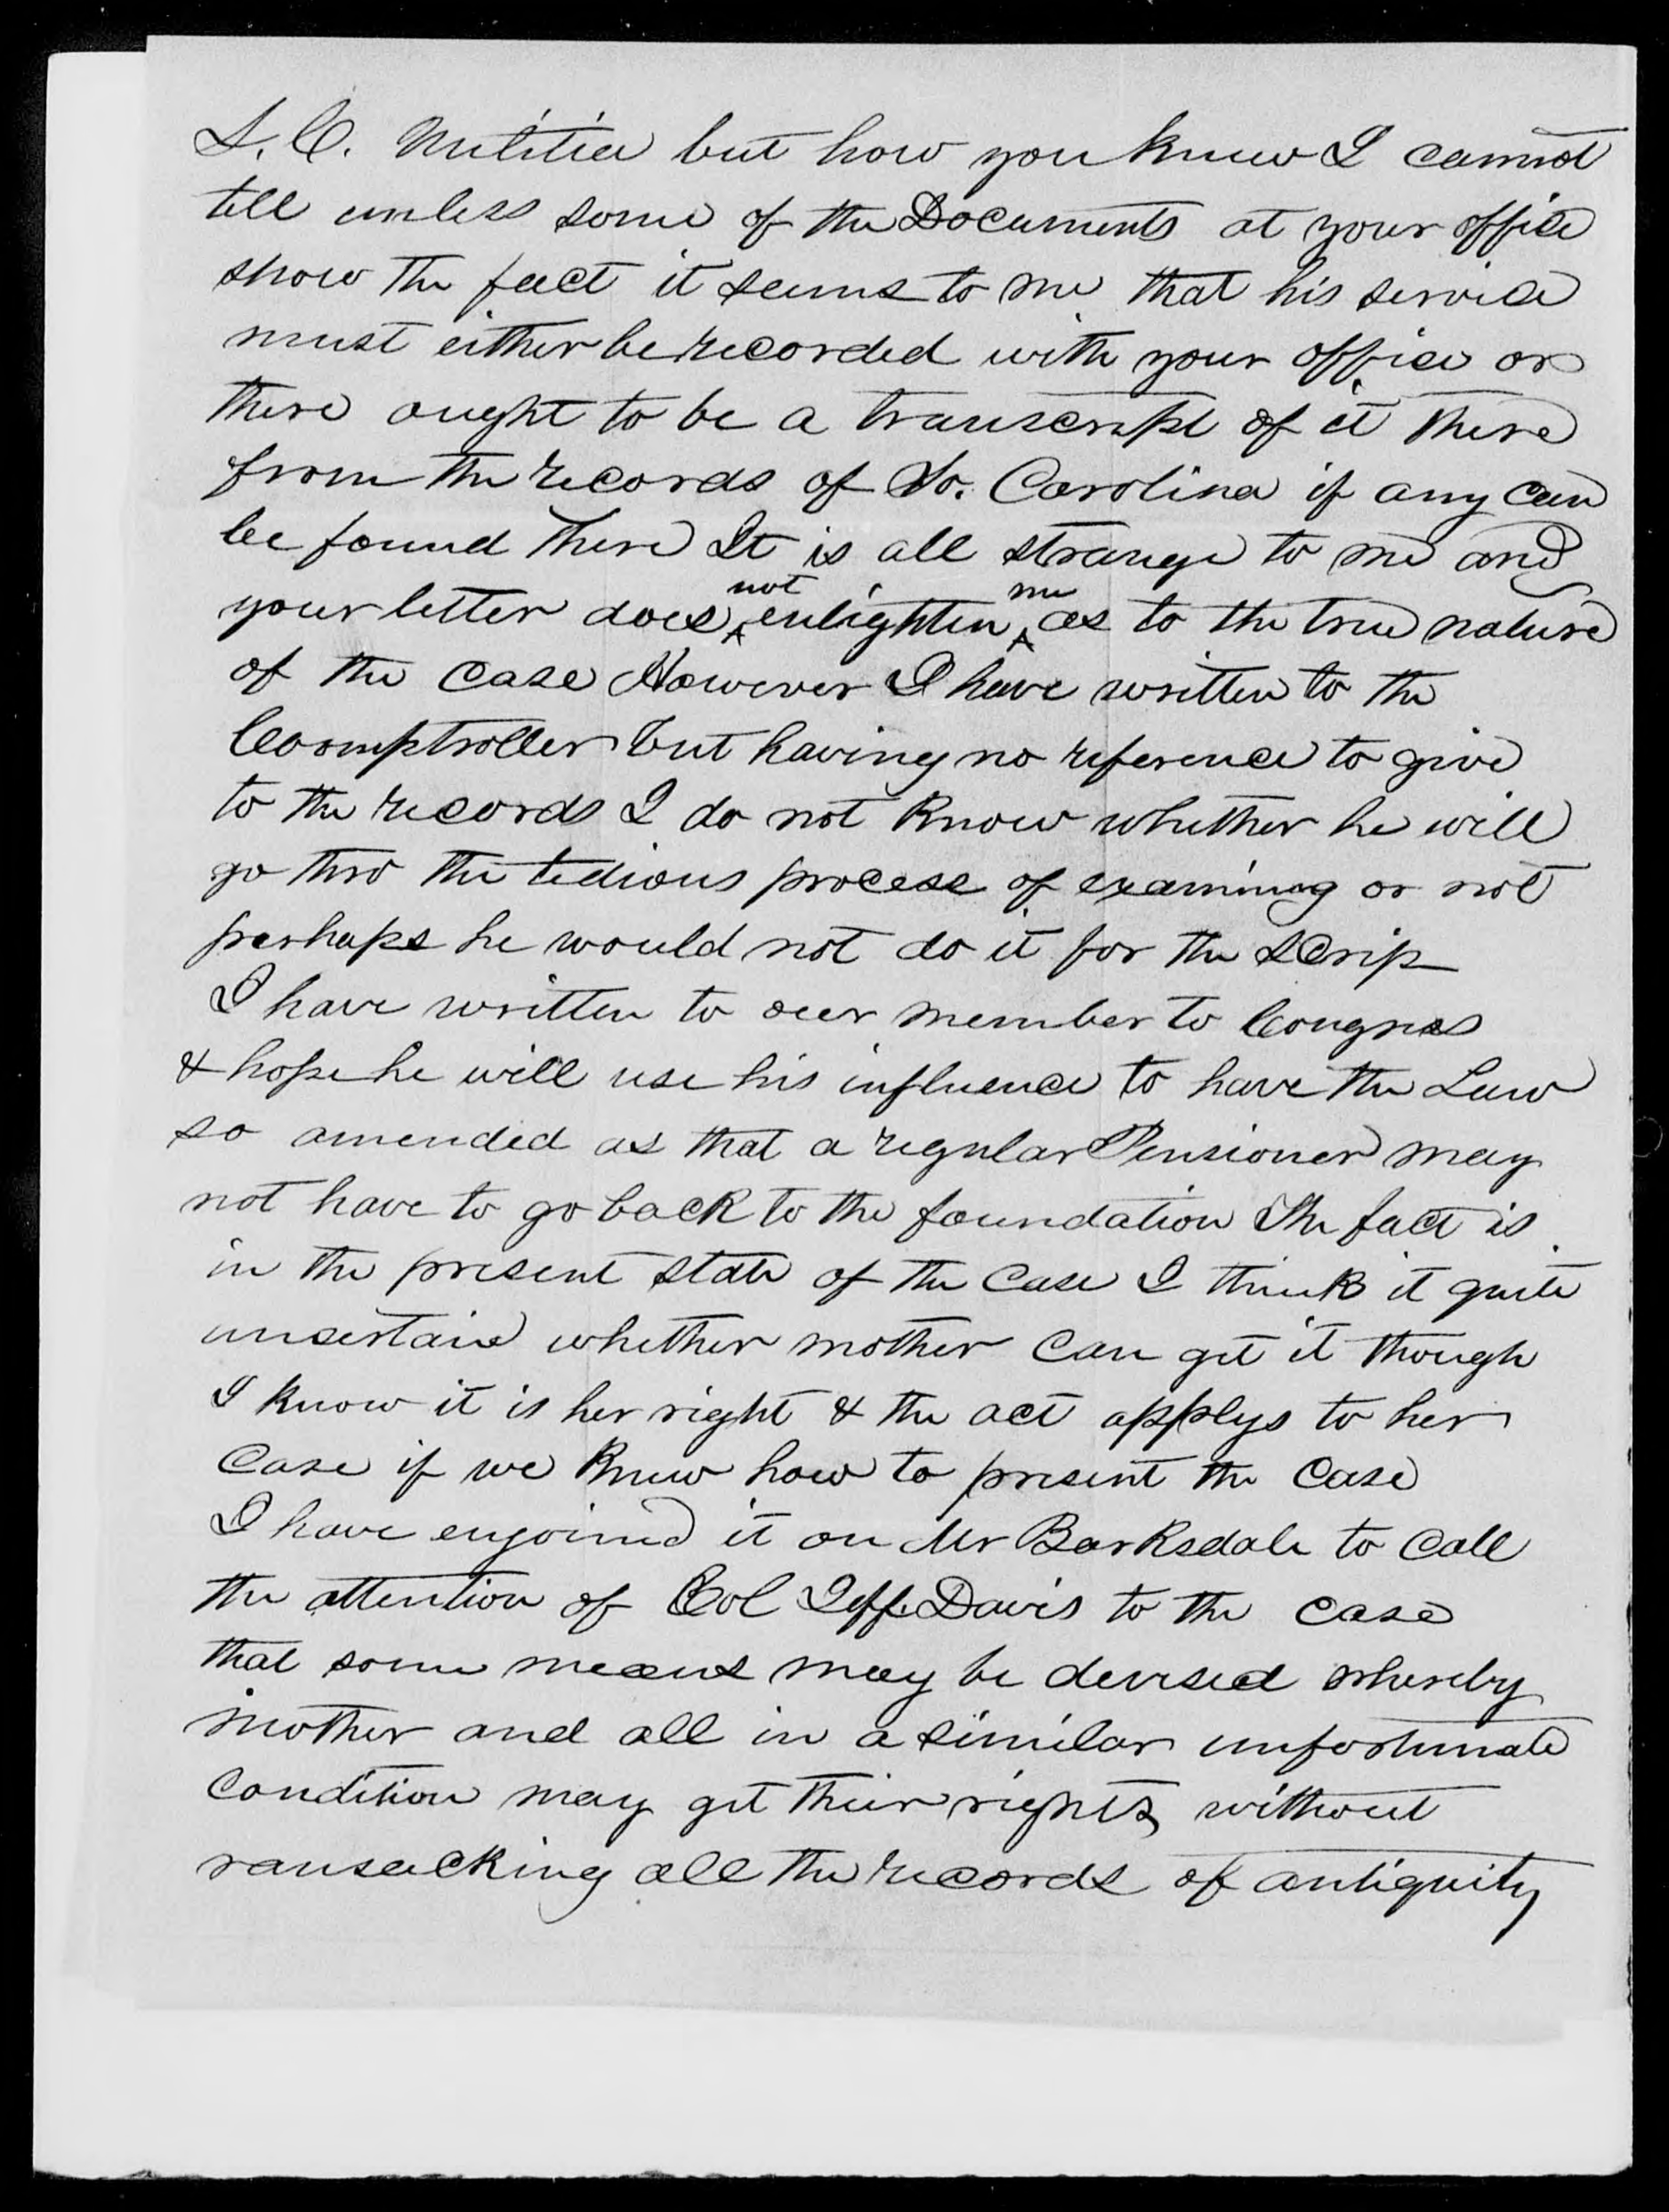S. C. Militia but how you know I cannot tell unless some of the Documents at your office show the fact it seems to me that his service must either be recorded with your office or there ought to be a transcript of it there from the records of So. Carolina if any can be found there It is all strange to me and your letter does not enlighten me as to the true nature of the case. However I have written to the Comptroller but having no reference to give to the records I do not know whether he will go thru the tedious process of examining or not perhaps he would not do it for the [Illegible] I have written to our member to Congress & hope he will use his influence to have the Law so amended as that a regular Pensioner may not have to go back to the foundation. The fact is in the present state of the case I think it quite
unsertain whether mother can get it though I know it is her right & the act applys to her case if we knew how to present the case I have enjoined it on Mr Barksdale to call the attention of Col Jeff Davis to the case that some means may be devised whereby mother and all in a similar unfortunate condition may get their rights without ransacking all the records of antiquity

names: Jeff Davis, Barksdale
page: 65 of 85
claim: widow's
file: W. 5,906, John Brown, S.C.